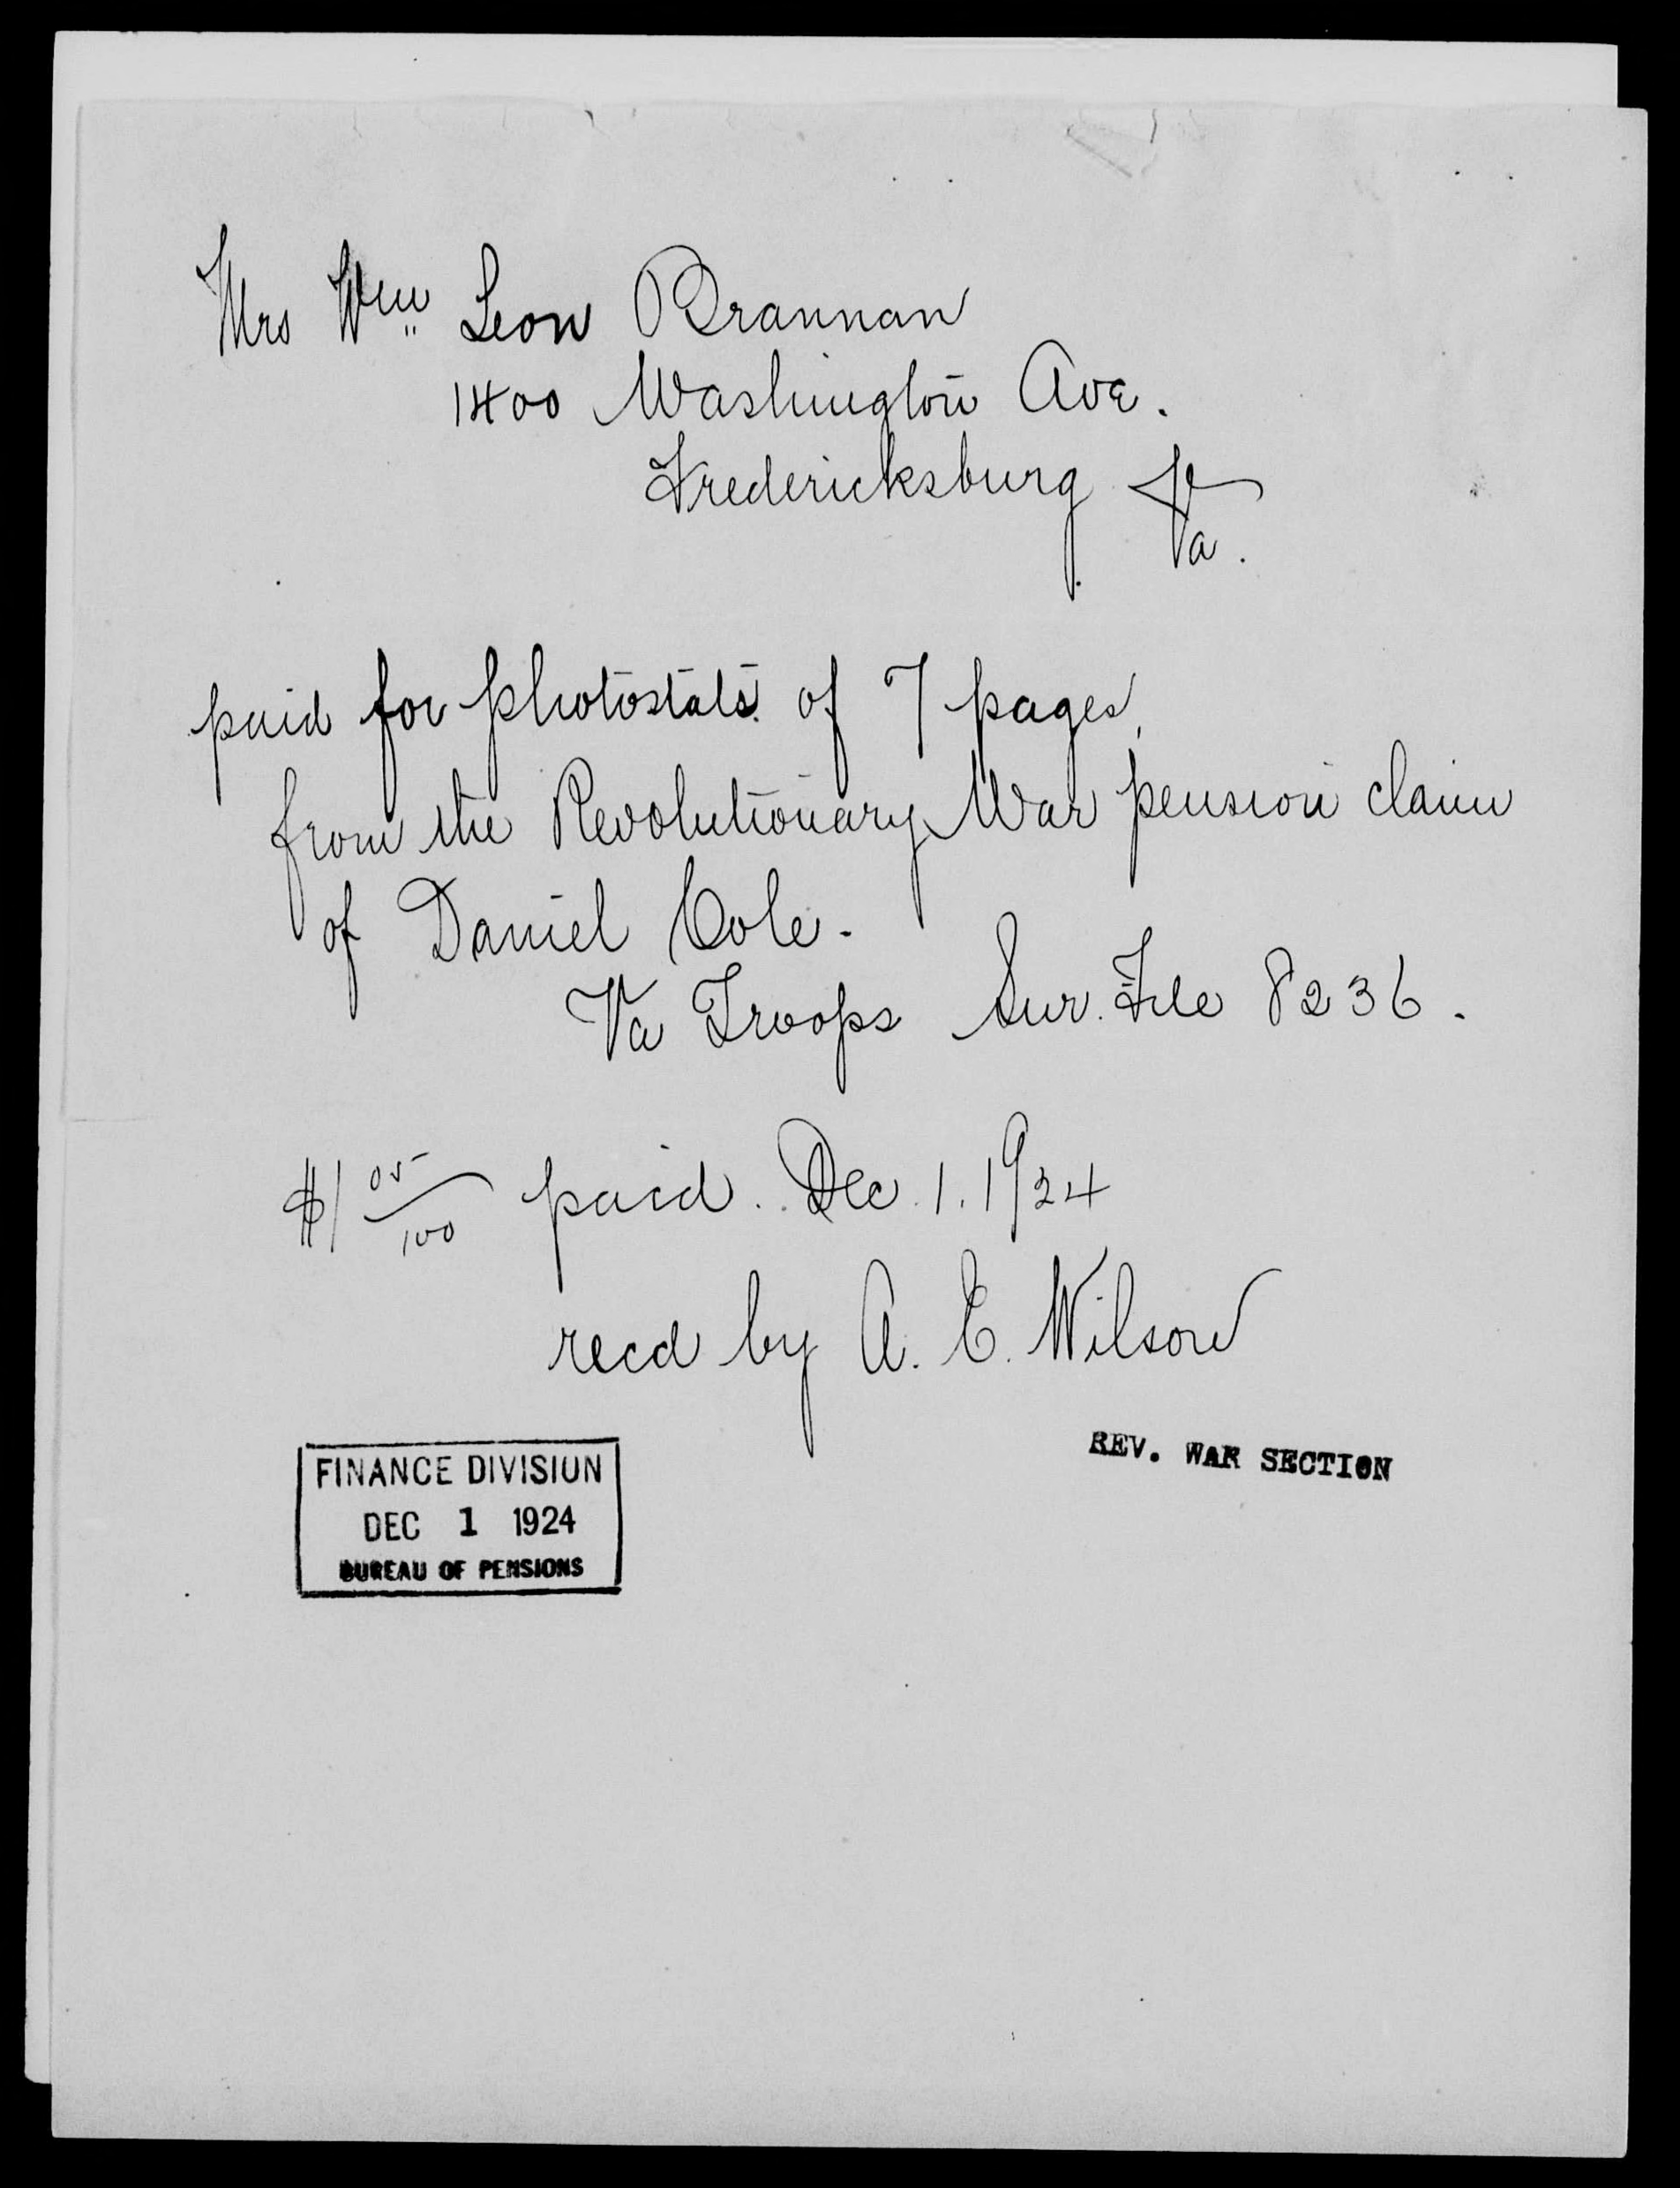Mrs Wm Leon Brannan
1400 Washington Ave.
Fredericksburg Va.

paid for photostats of 7 pages,
from the Revolutionary War pension claim
of Daniel Cole.
Va Troops Surv File 8236.

$1 05/100 paid. Dec. 1. 1924
 recd by A. E. Wilson

[black stamp REV. WAR SECTION]

[black rectangular stamp FINANCE DIVISION DEC 1 1924 BUREAU OF PENSIONS]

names: Wm Leon Brannan, A E Wilson, Daniel Cole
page: 59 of 61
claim: survivor's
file: S. 8236, Daniel Cole, Va.